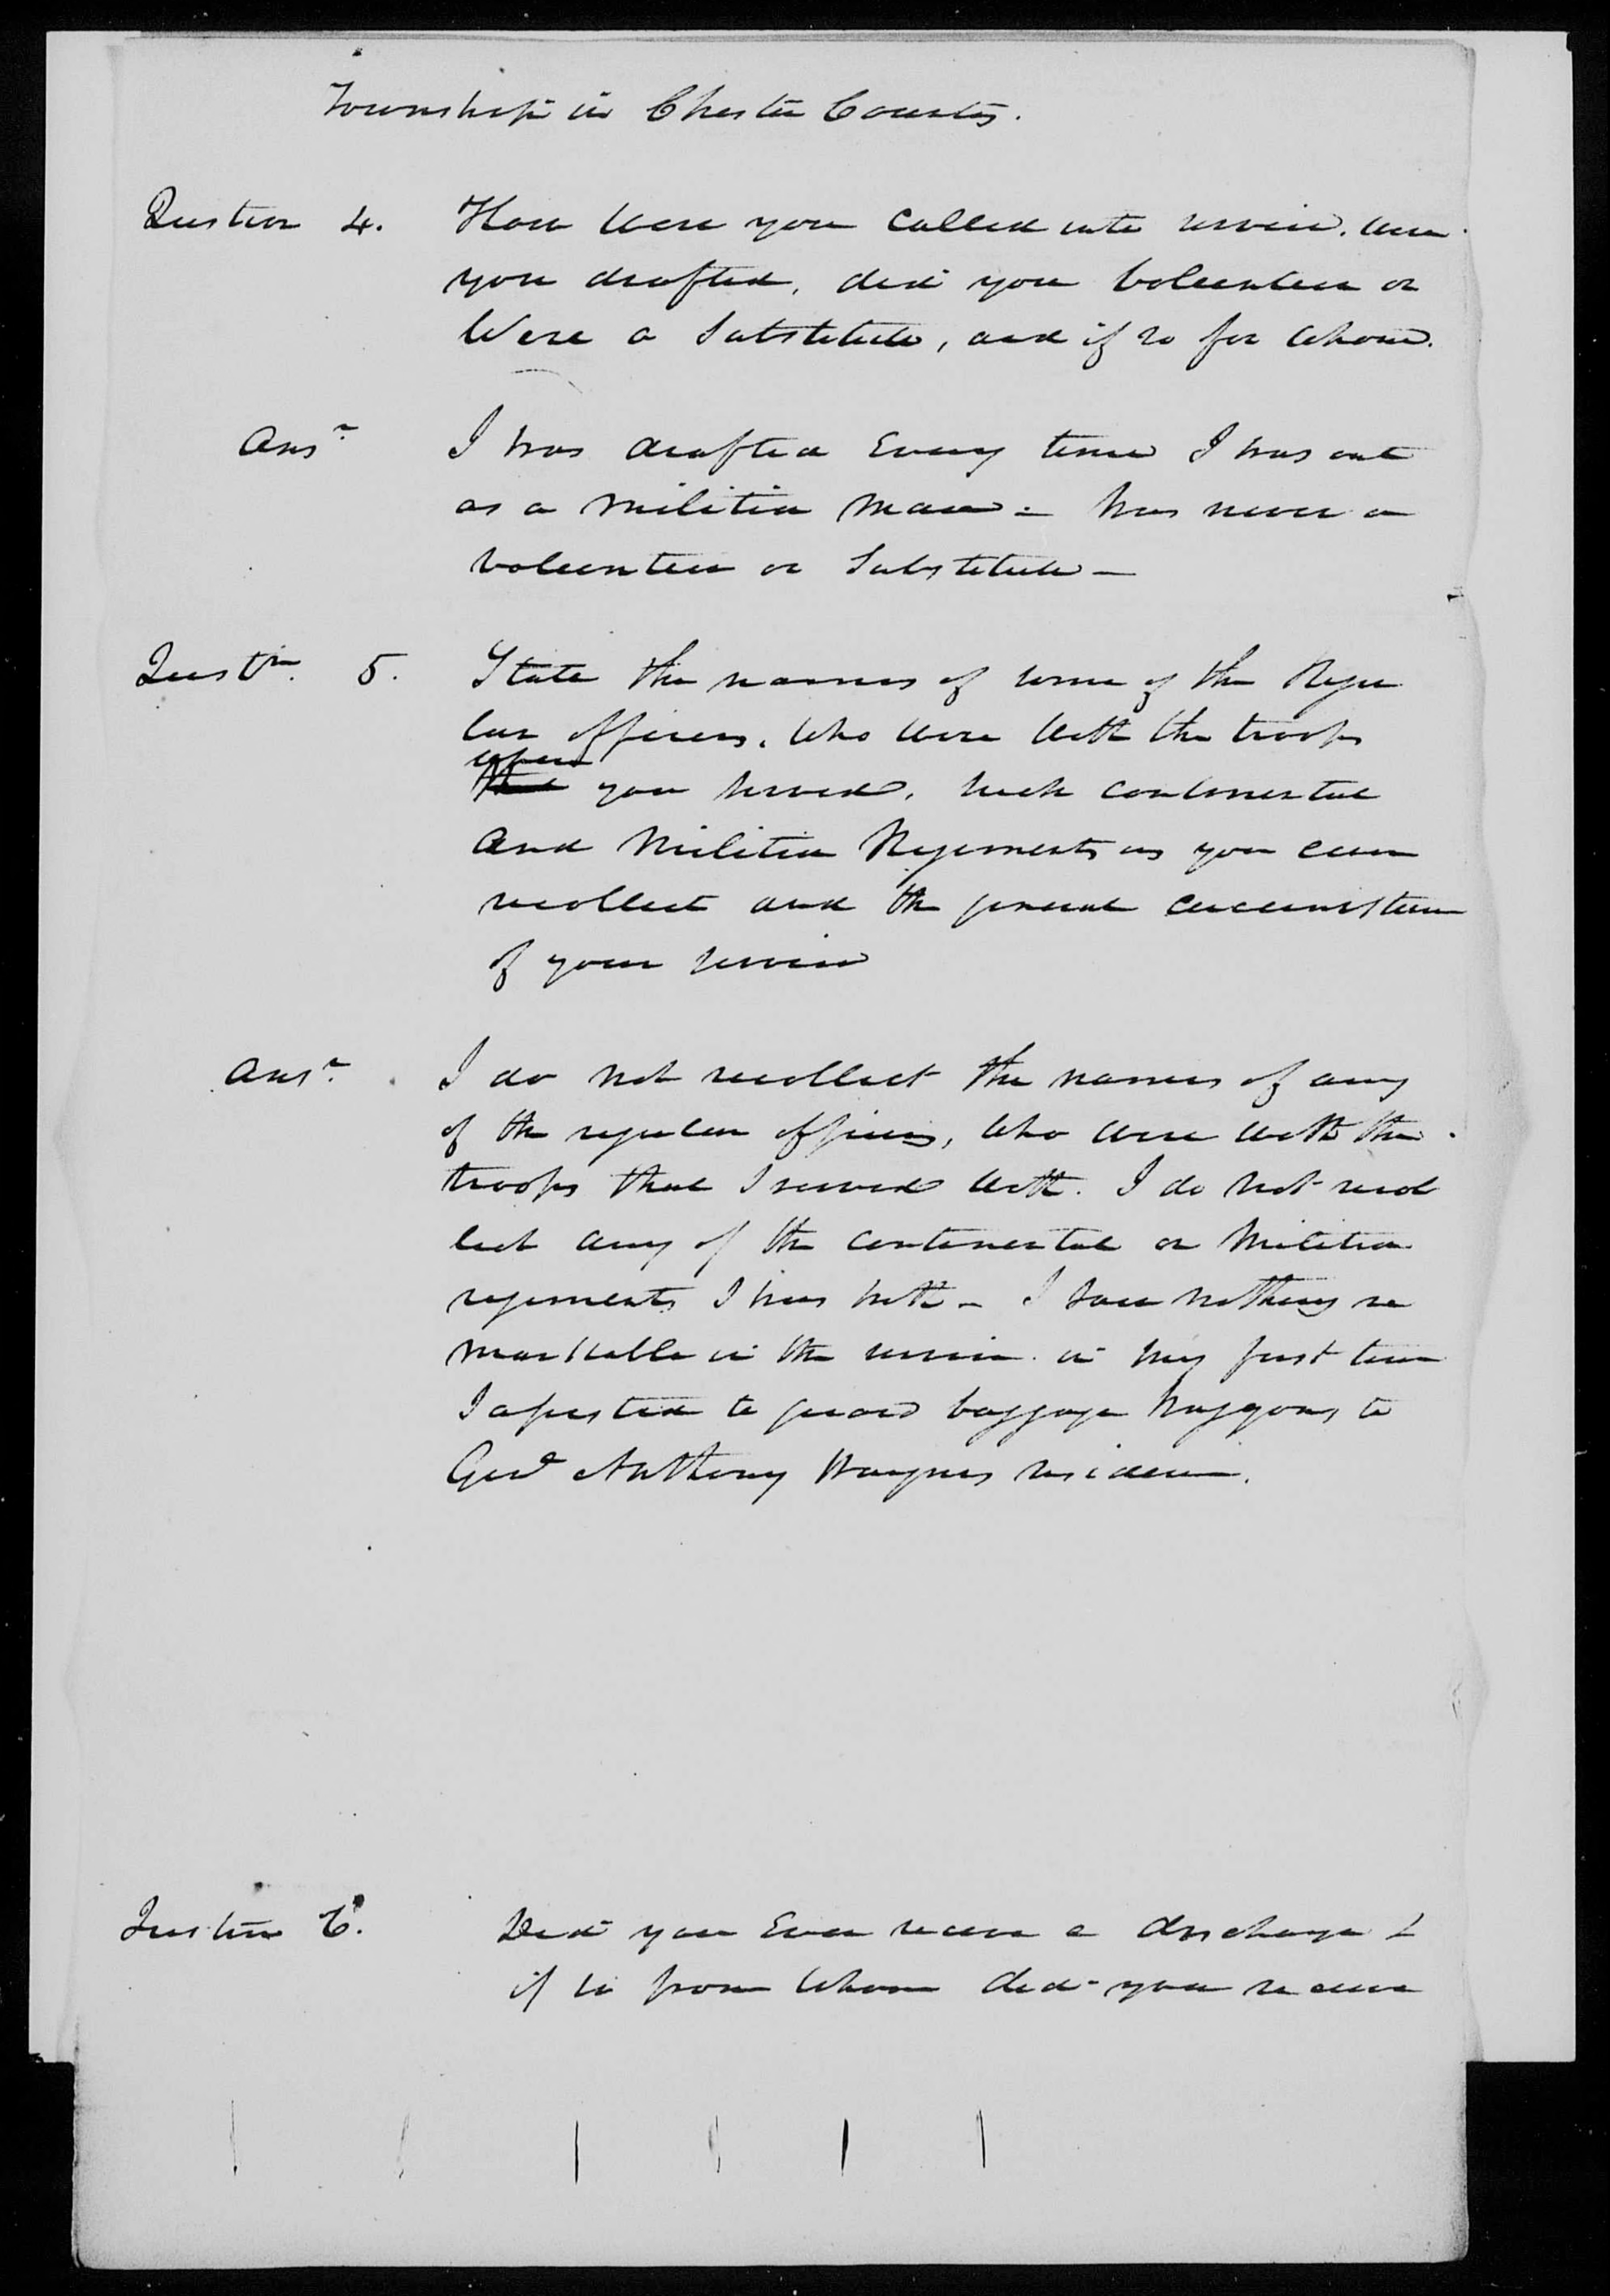Township in Chester County

Question 4. How were you called into service, were you drafted, did you volunteer or
were a substitute, and if so for whom.

Ansr  I was drafted every time I was out
as a militia man. Was never a
volunteer or substitute-

Question 5. State the names of some of the Regiment officers who were with the troops
where you served, such continental
and Militia Regiments as you can
recollect and the general circumstances
of your services.

Ansr.  I do not recollect the names of any
of the regular officer, who were with the
troops that I served with. I do not recollect any of the continental or Militia
regiments I was with-- I saw nothing
remarkable in the service in my first time
I assisted to guard baggage waggons to
Genl Anthony Waynes residence.

Question 6. Did you ever receive a discharge
& if so from whom did you receive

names: Anthony Wayne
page: 11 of 29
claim: survivor's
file: S. 23618, Philip Emerick, Penn.